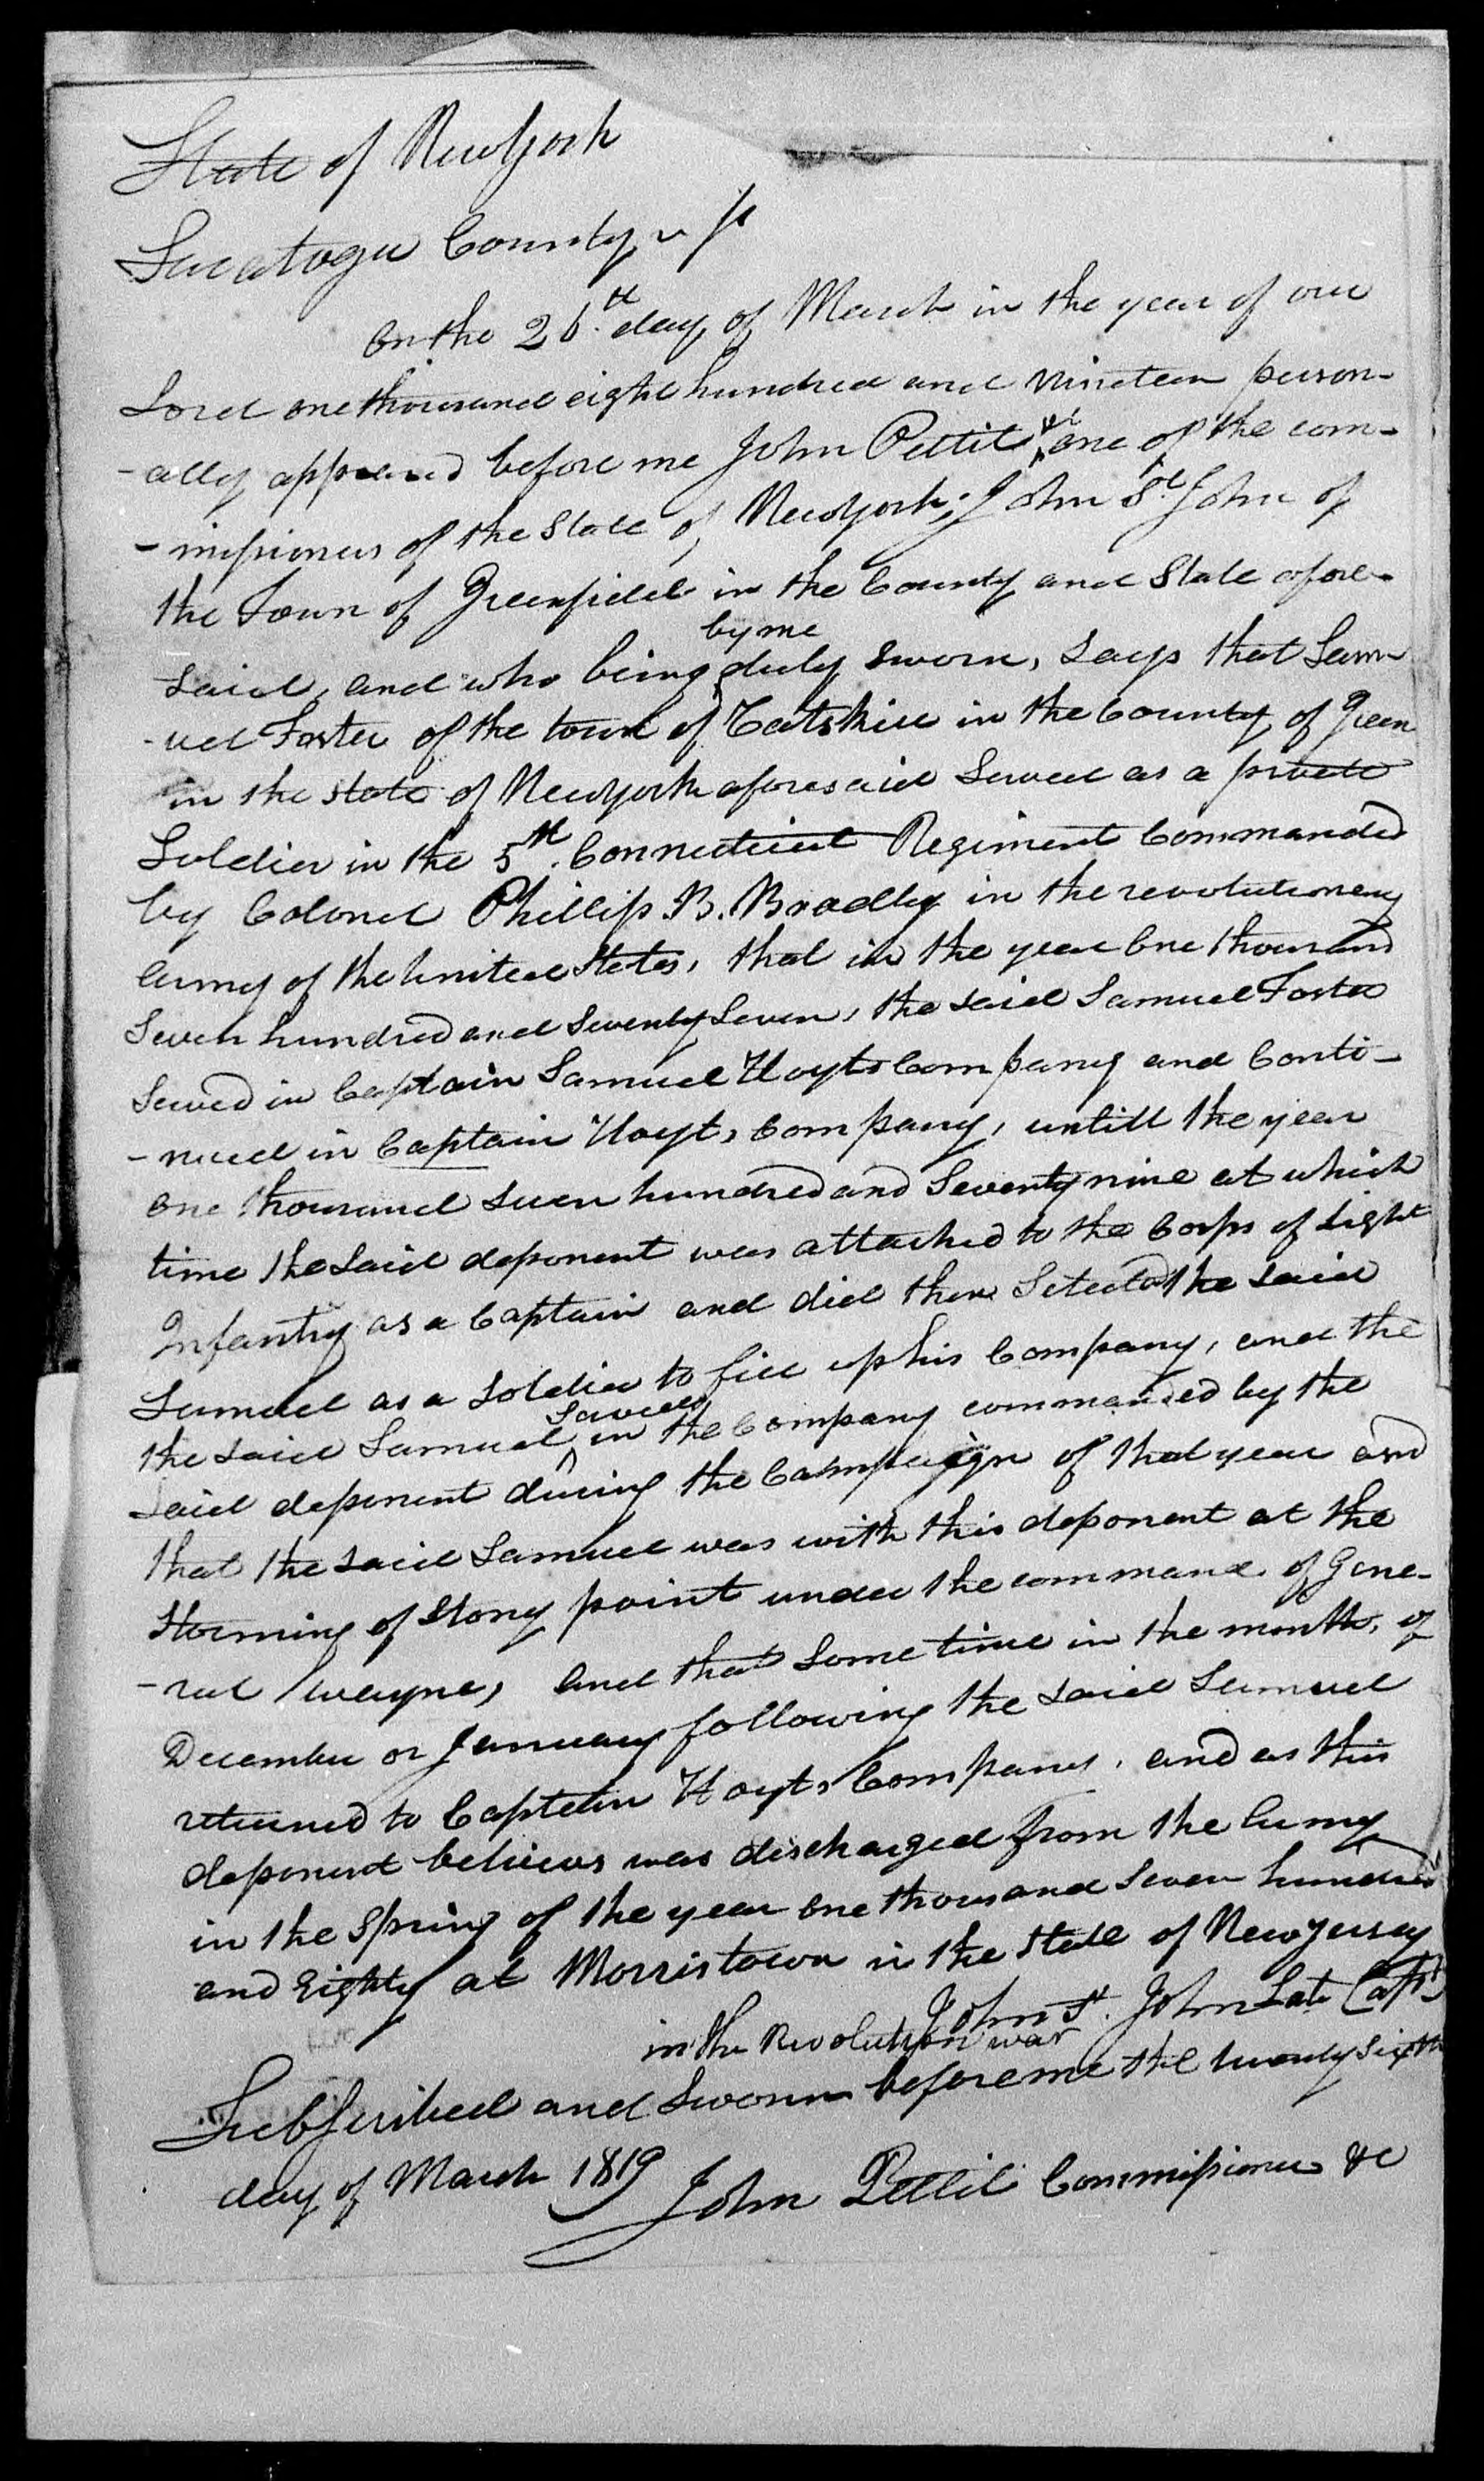State of New York
Saratoga County [illegible]
On the 26th day of March in the year of our Lord one thousand eight hundred and nineteen person-ally appeared before me John Pettit [caret] JC one of the com-missioners of the State of New York; John St. John of the Town of Greenfield in the County and State afore-said, and who being [caret] by me duly sworn, says that Sam-uel Foster of the town of Catskill in the county of Green in the state of New York aforesaid Served as a private Soldier in the 5th Connecticut Regiment commanded by Colonel Phillip B. Bradley in the revolutionary army of the United States, that in the year one thousand Seven hundred and Seventy Seven, the said Samuel Foster Served in Captain Samuel Hoyts Company and Conti-nued in Captain Hoyts Company untill the year one thousand Seven hundred and Seventy nine at which time the Said deponent was attached to the Corps of Light Infantry as a Captain and did then Selected the said Samuel as a Soldier to fill up his company, and the the Said Samuel {caret} {illegible} in the company commanded by the Said deponent during the Campaign of New York and that the said Samuel was with this deponent at the Storming of Stony point under the command of Gene-ral /wayne, and that Sometime in the months of December or January following the Said Samuel returned to Captain Hoyts Company, and as this deponent believes was discharged from the Army in the Spring of the year one thousand Seven hundred and Eight at Morristown in the State of New Jersey
[signed John St. John Late Capt
in the Revolution war
Subscribed and Sworn before me the twenty Sixth day of March 1819
{signed} John Pettit Commissioner JC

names: Samuel Foster, John St John, Samuel Foster, Wayne, Samuel, Samuel Saveals, John Pettit, Phillip B Bradley, John St John, Samuel, Samuel, John Pettit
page: 26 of 54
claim: survivor's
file: S. 13,043, Samuel Foster, Conn.